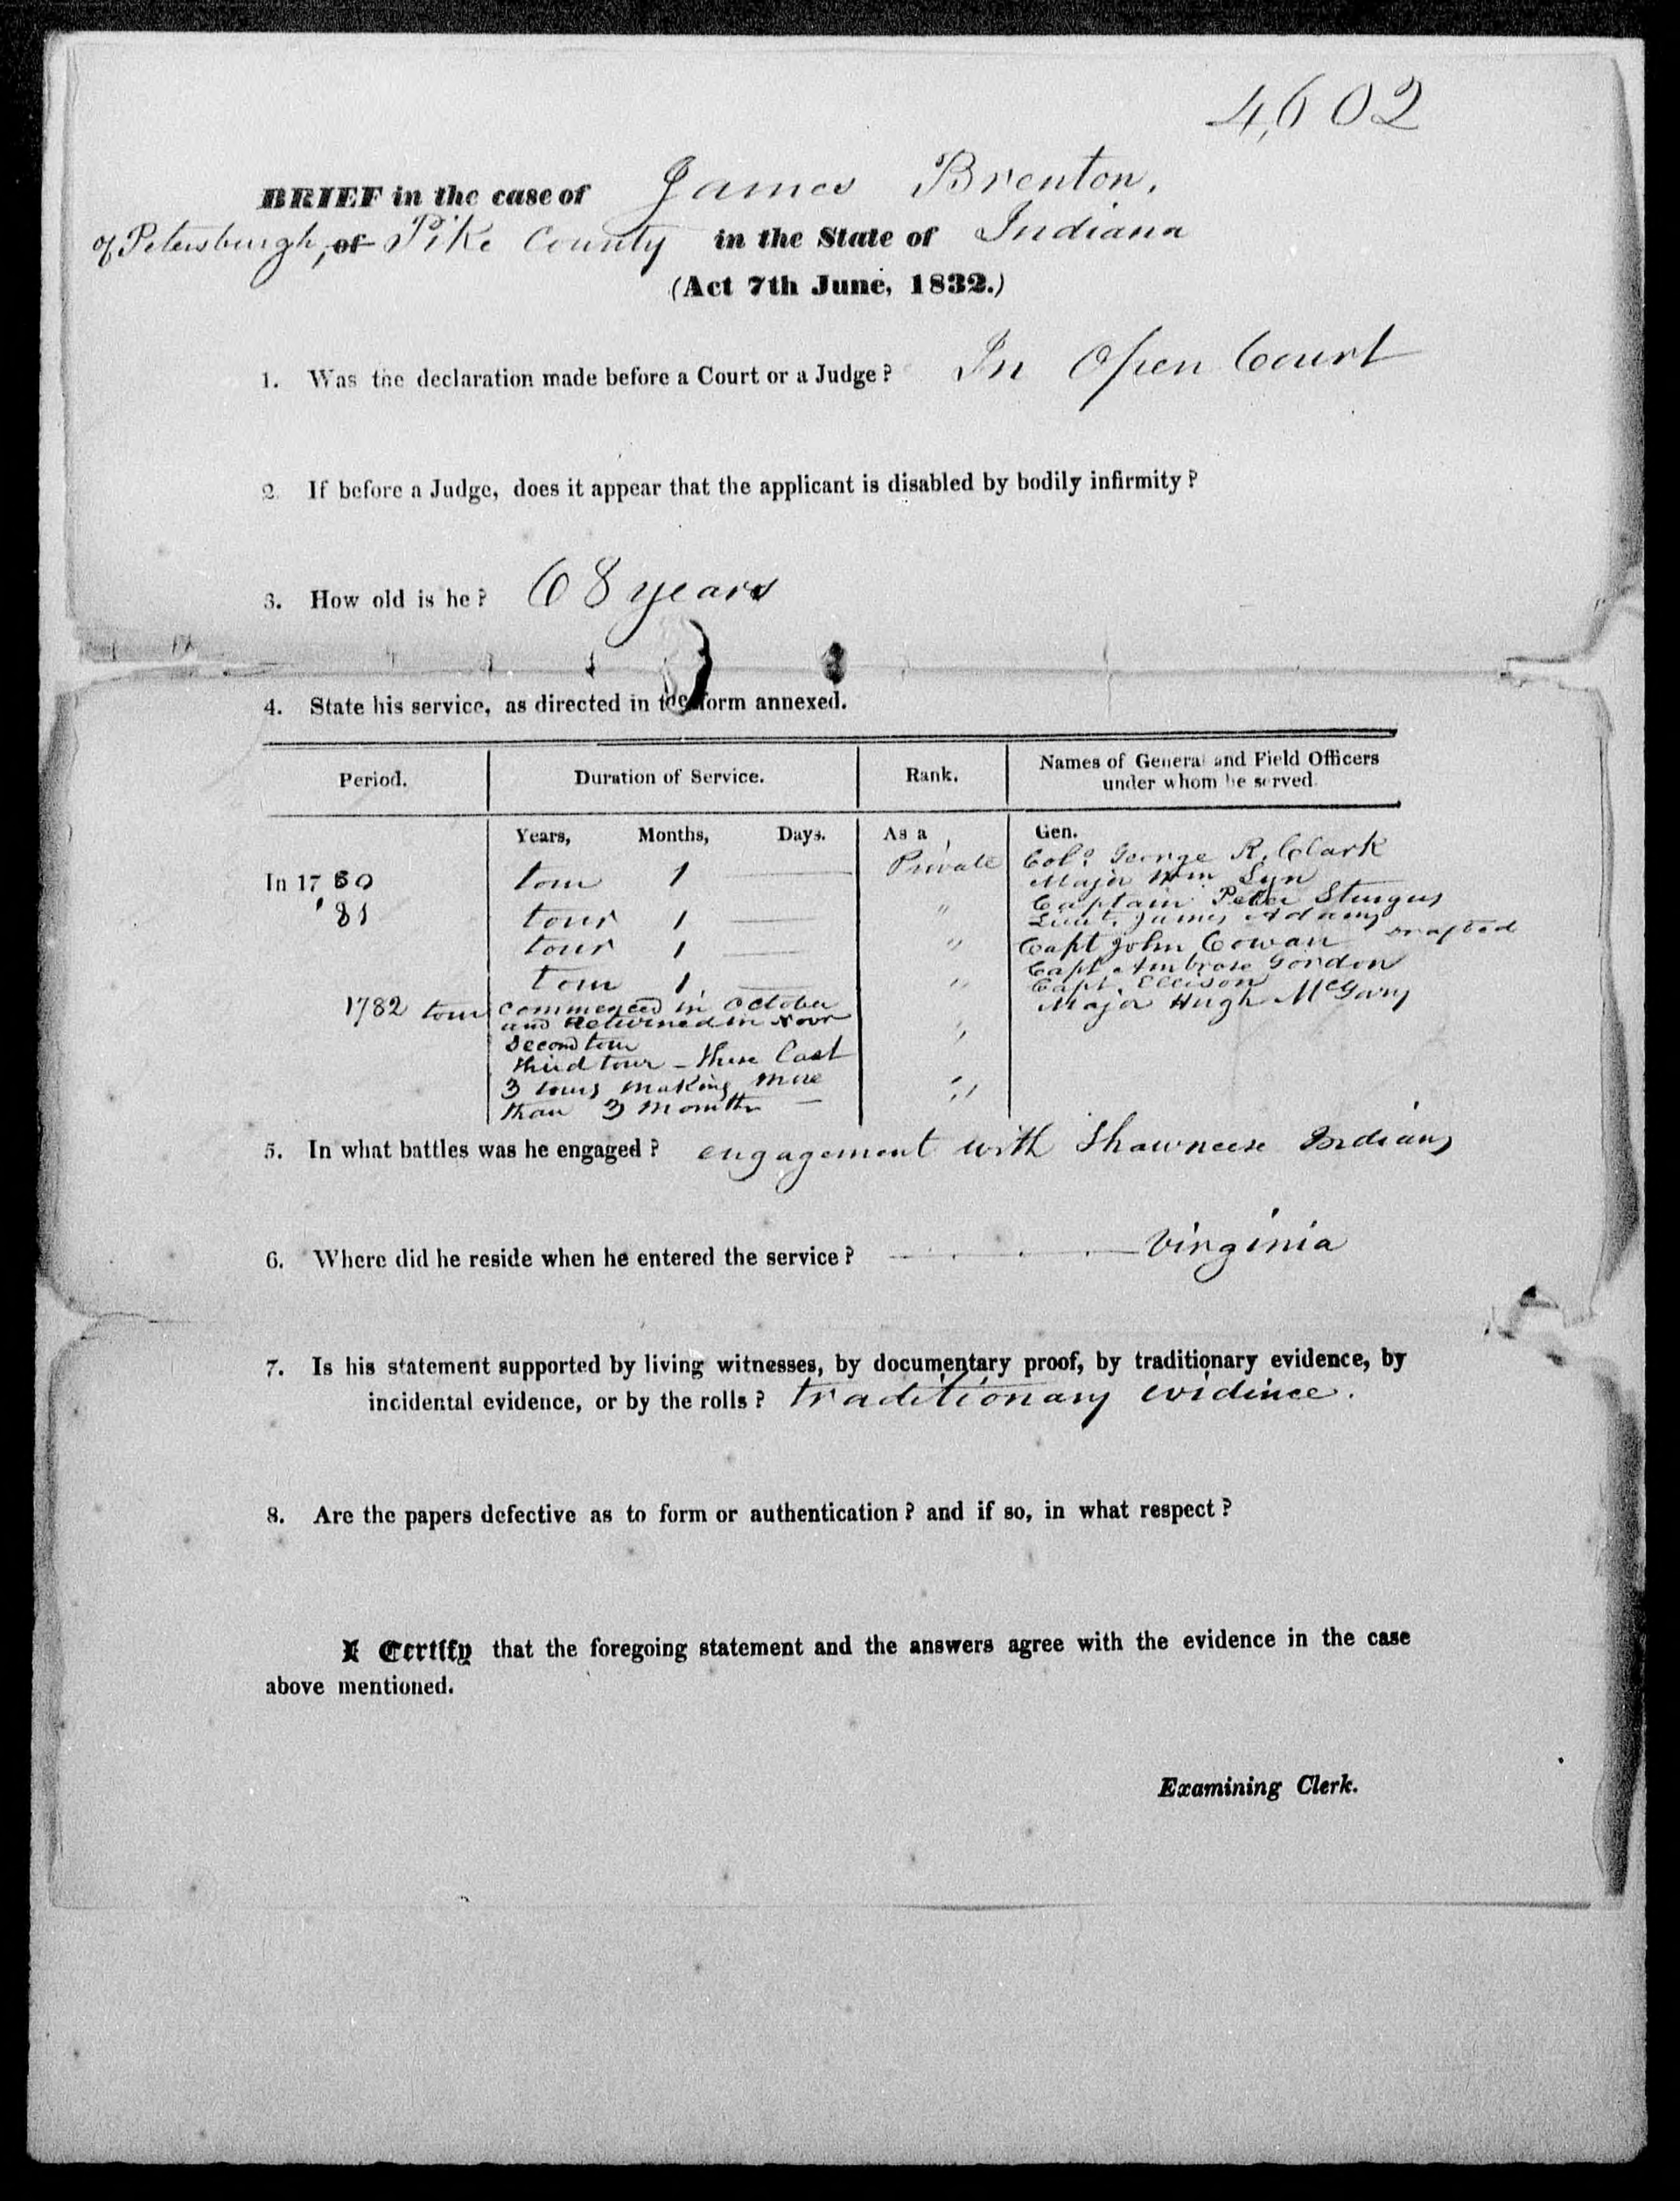4.602
BRIEF in the case of James Brenton, of Petersburgh, Pike County in the State of Indiana
(Act 7th June, 1832.)

1. Was the declaration made before a Court or Judge? in Open Court
2. If before a Judge, does it appear that the applicant is disable by bodily infirmity?
3. How old is he? 68 years
4. State his service, as directed in the form annexed.
Period. Duration of Service. Rank. Names of General & Field Officers under whom he served.
[Information is transcribed as though following each period across the chart:]
In 1780 tour 1 month as a Private under Col. George R. Clark Major Wm Syn
In 1781 tour of 1 month as Private under Capt. Peter Sturgus Lieut. James Adams
Also in 1781 a tour of one month as a private under Capt John Cowan & Capt Ambrose Gordon drafted
Also in 1781 a tour of one month as a private under  Capt Ellison Major Hugh McGary
1782 tour commenced in October and  returned in Nov. Second Tour. Third Tour -- these last 3 tours making more than 3 months. [no officers listed]
5. In what battles was he engaged? Engagement with Shawnee Indians
6. Where did he reside when he entered the service? Virginia
7. Is his statement supported by living witnesses, by documentary proof, by traditionary evidence, by incidental evidence, or by the rolls? traditionary evidence.
8. Are the papers defective as to form or authentication? and if so, in what respect?
X Certify that the foregoing statement and the answers agree with the evidence in the case above mentioned.
Examining Clerk.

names: George R Clark, John Cowan, Peter Sturgus, Ambrose Gordon, James Adams, Hugh Mc Gary, Wm Lyn, Ellison, James Brenton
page: 15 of 49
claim: widow's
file: W. 2518, James Brenton, Va.